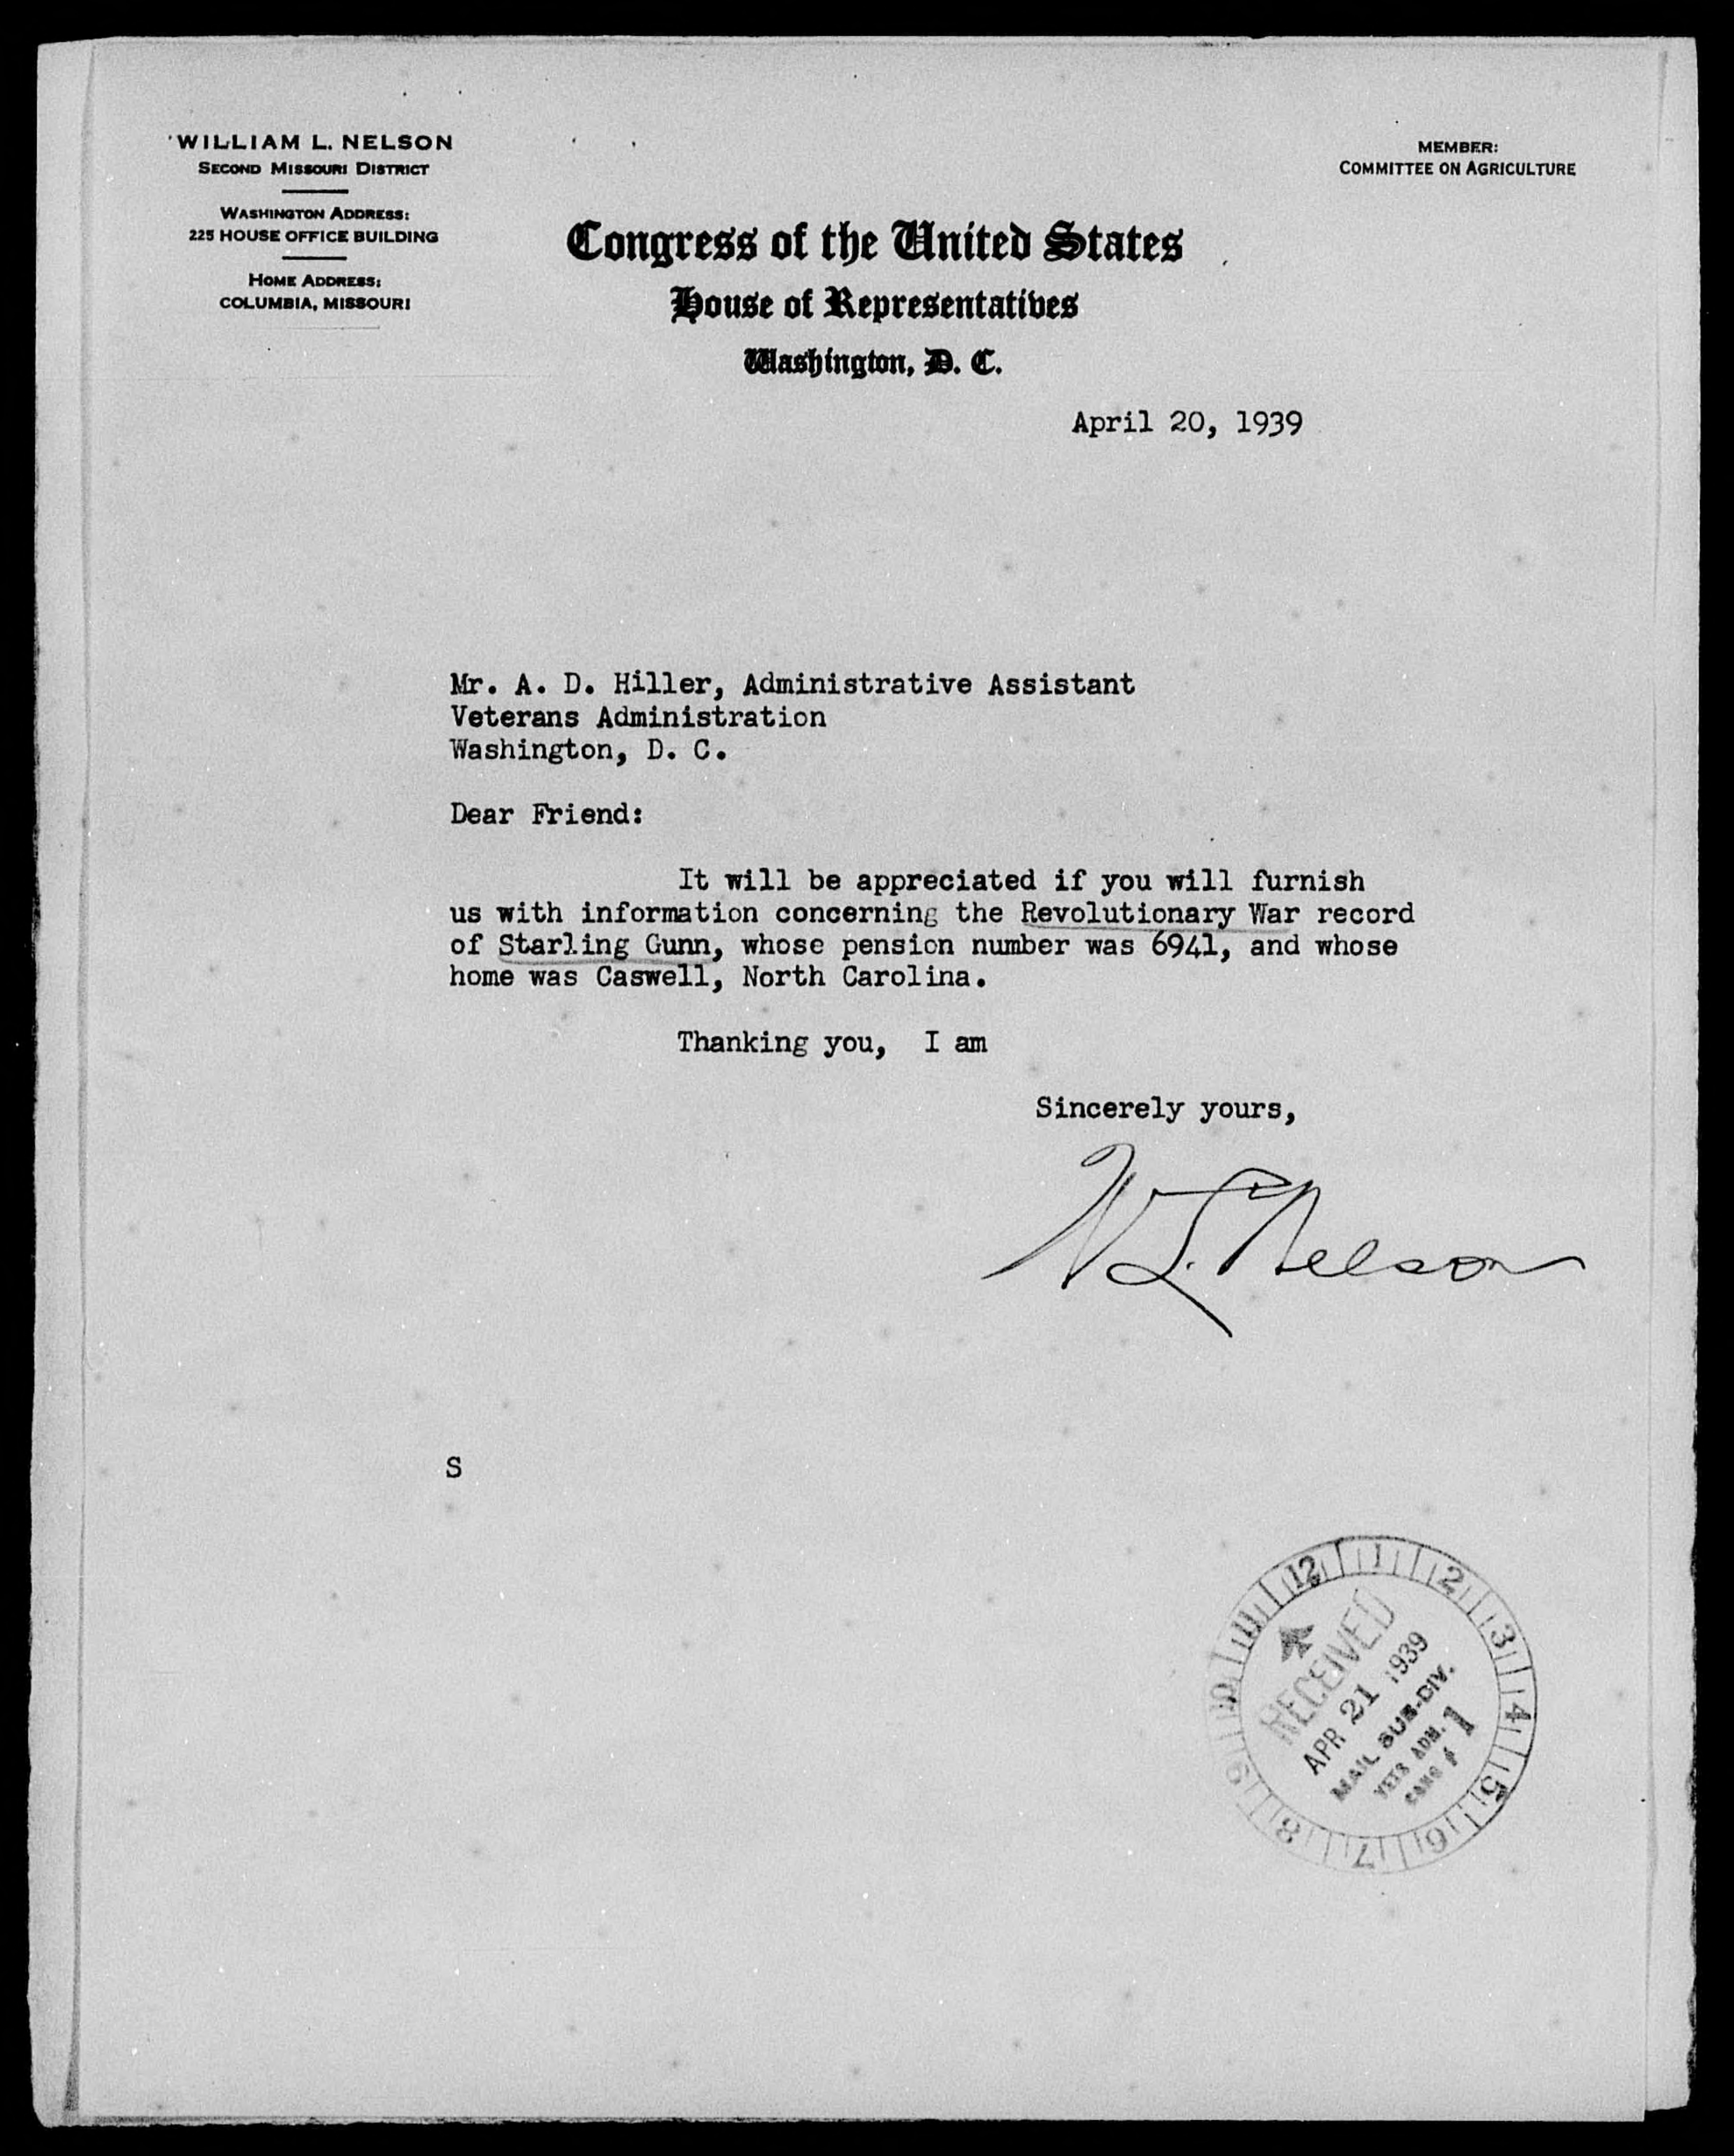WILLIAM L. NELSON 
SECOND MISSOURI DISTRICT 
WASHINGTON ADDRESS: 225 HOUSE OFFICE BUILDING HOME ADDRESS: COLUMBIA, MISSOURI 
MEMBER: COMMITTEE ON AGRICULTURE
Congress of the United States House of Representatives Washington, D. C. 
April 20, 1939 
Mr. A. D. Hiller, Administrative Assistant Veterans Administration Washington, D. C. 
Dear Friend:  It will be appreciated if you will furnish us with information concerning the Revolutionary War record of Starling Gunn, whose pension number was 6941, and whose home was Caswell, North Carolina. Thanking you, I am Sincerely yours, W. L. Nelson
S

[Stamp:]
RECEIVED  APR 21 1939
MAIL SUB-DIV.
VETS ADM.
[illegible] 1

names: A D Hiller, W L Nelson, William L Nelson, Starling Gunn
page: 36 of 58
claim: survivor's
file: S. 6,941, Starling Gunn, Continental Va.